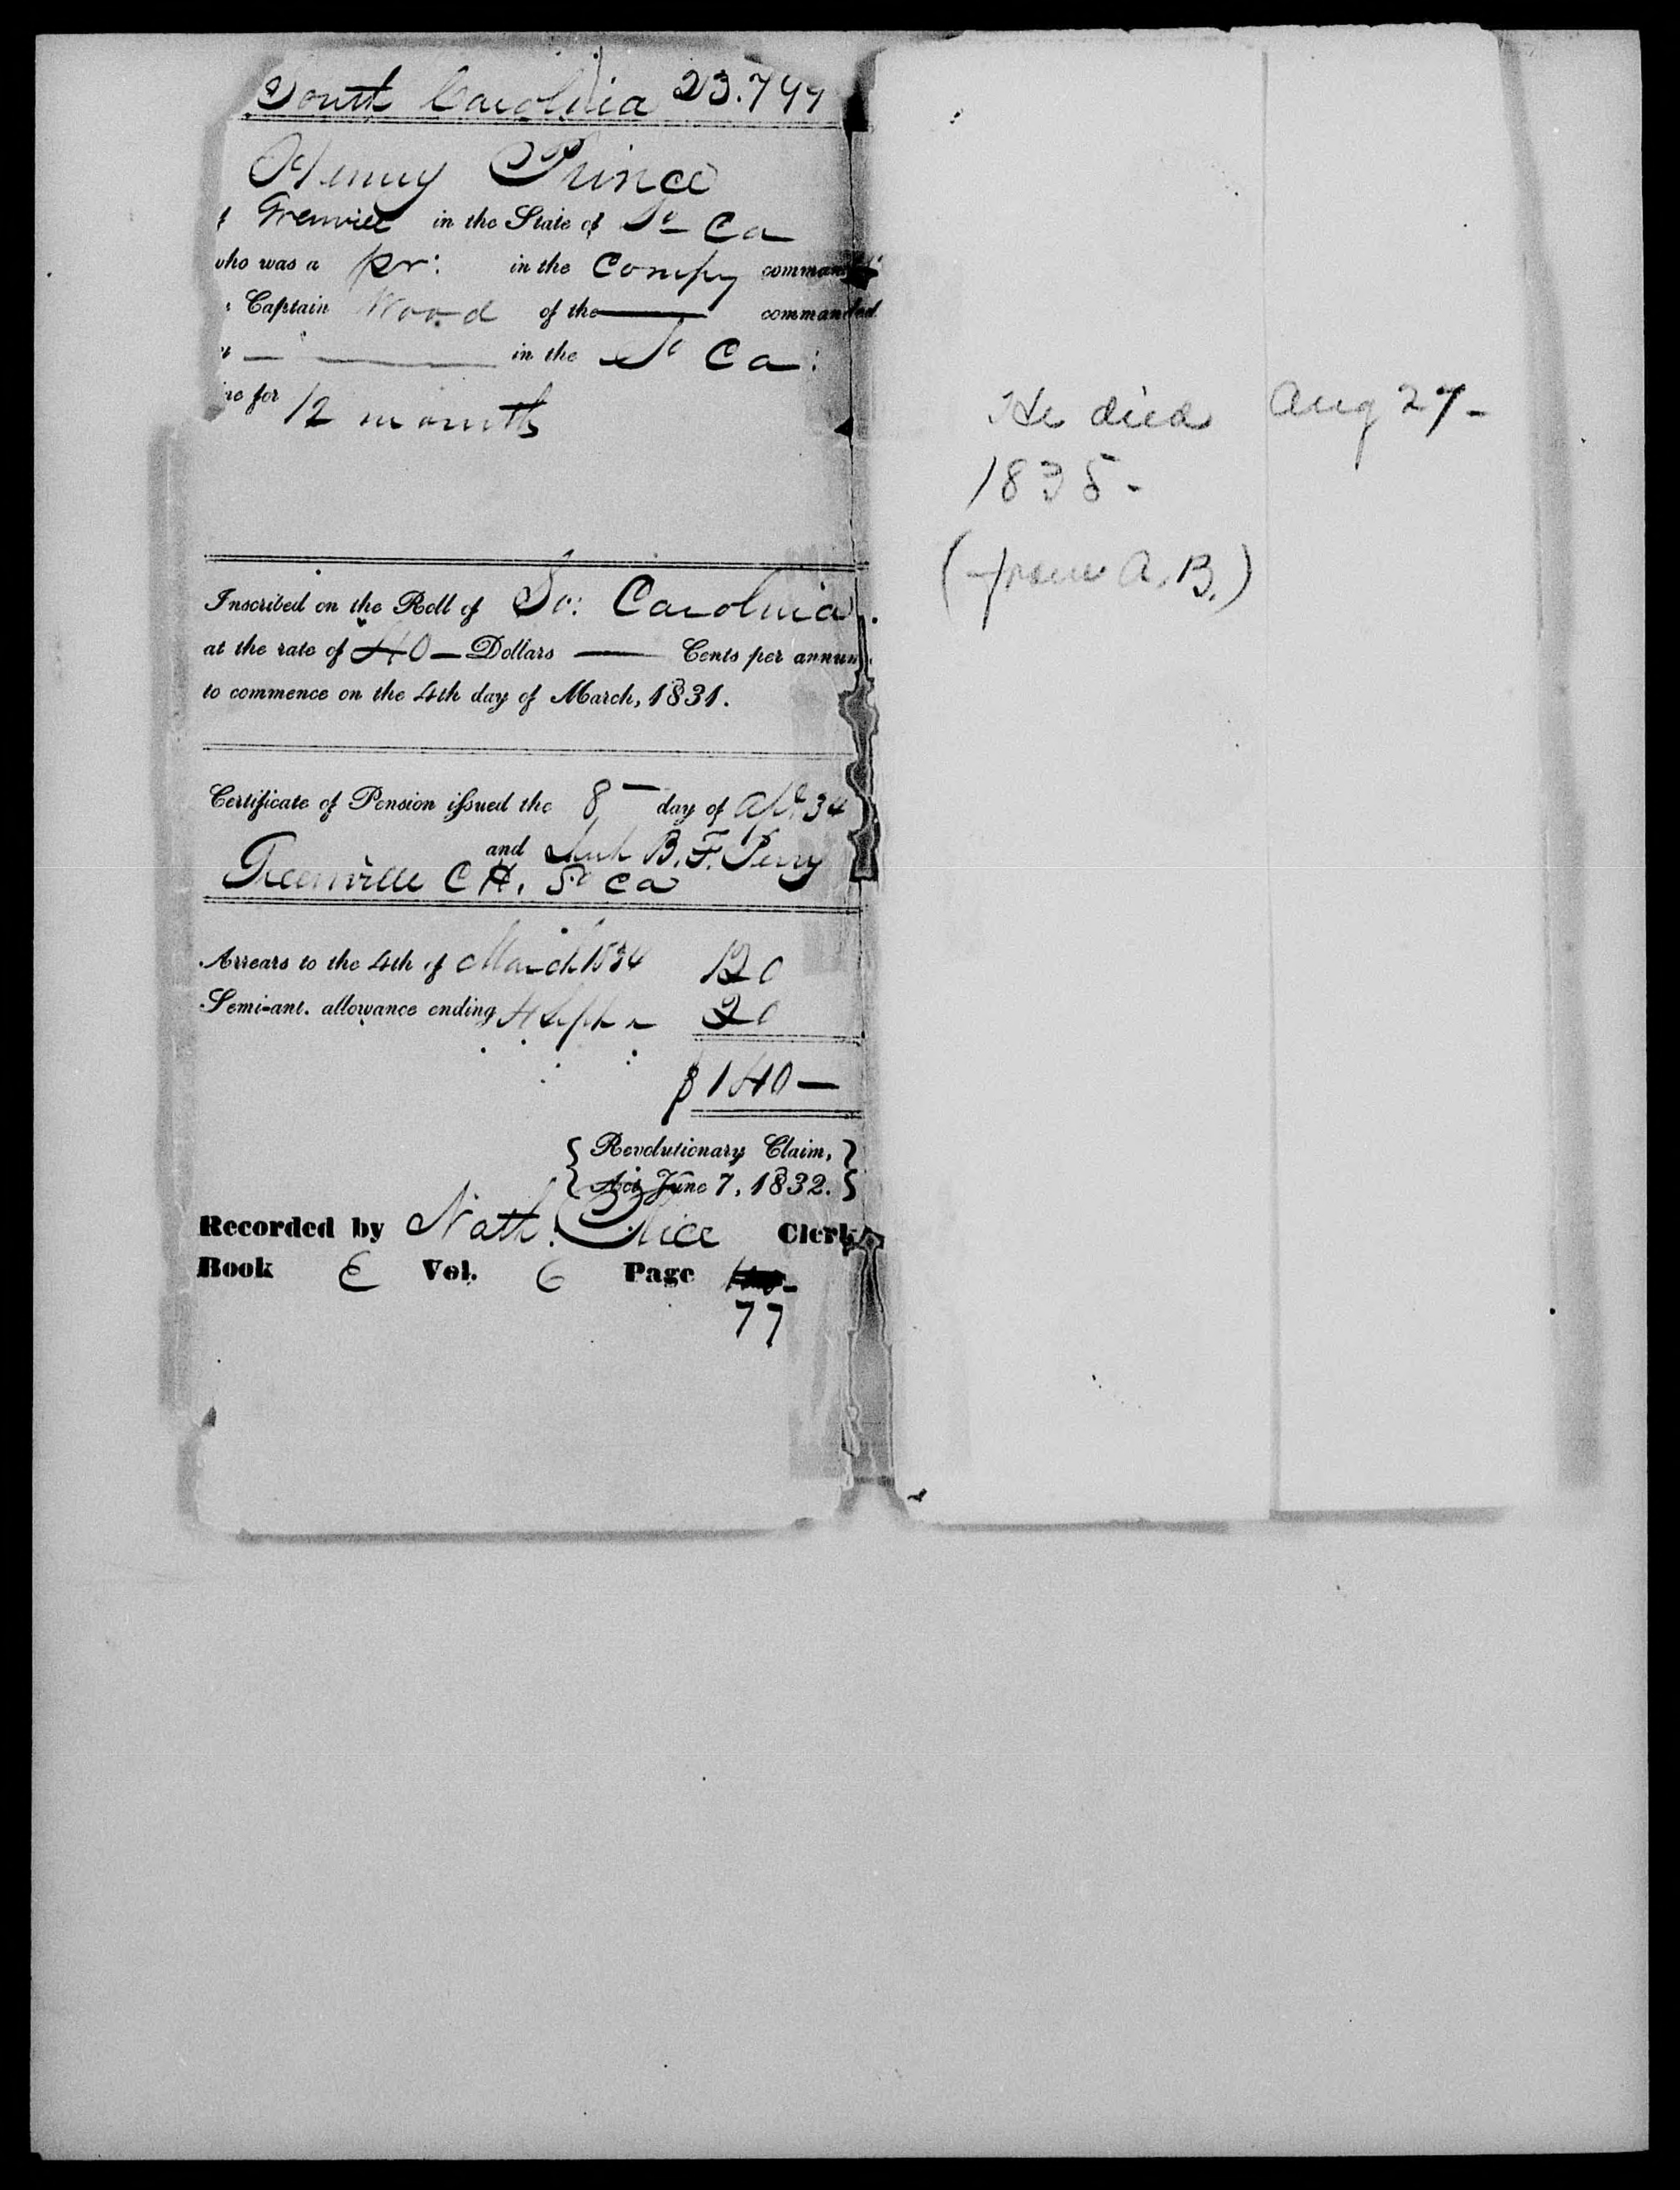South Carolina 23.799
Henry Prince
of Greenville in the State of So Ca (South Carolina) who was a pri: (private) in the company commanded by Captain Wood of the ________ commanded by ________ in the So Ca: (South Carolina) unc for 12 months

Inscribed on the Roll of So: Carolina at the rate of 40 Dollars ______ Cents per annum to commence on the 4th day of March, 1831.

Certificate of Pension issued the 8 day of Apr. 34 and () B.F. Perry  

Asserts to the 4th of March 1834        120
Semi-and. allowance ending H S()        20
                                                              $140
{Revolutionary Claim, Act June 7, 1832.}

Recorded by Nath: Rice Clerk
Book E Vol. 6 Page 77

He died Aug 27-
1835.
(from a. B.)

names: B F Perry; Henery Prince; Nath Rice; [BLANK] Wood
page: 2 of 23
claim: survivor's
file: S. 18,168, for Henry Prince, South Carolina